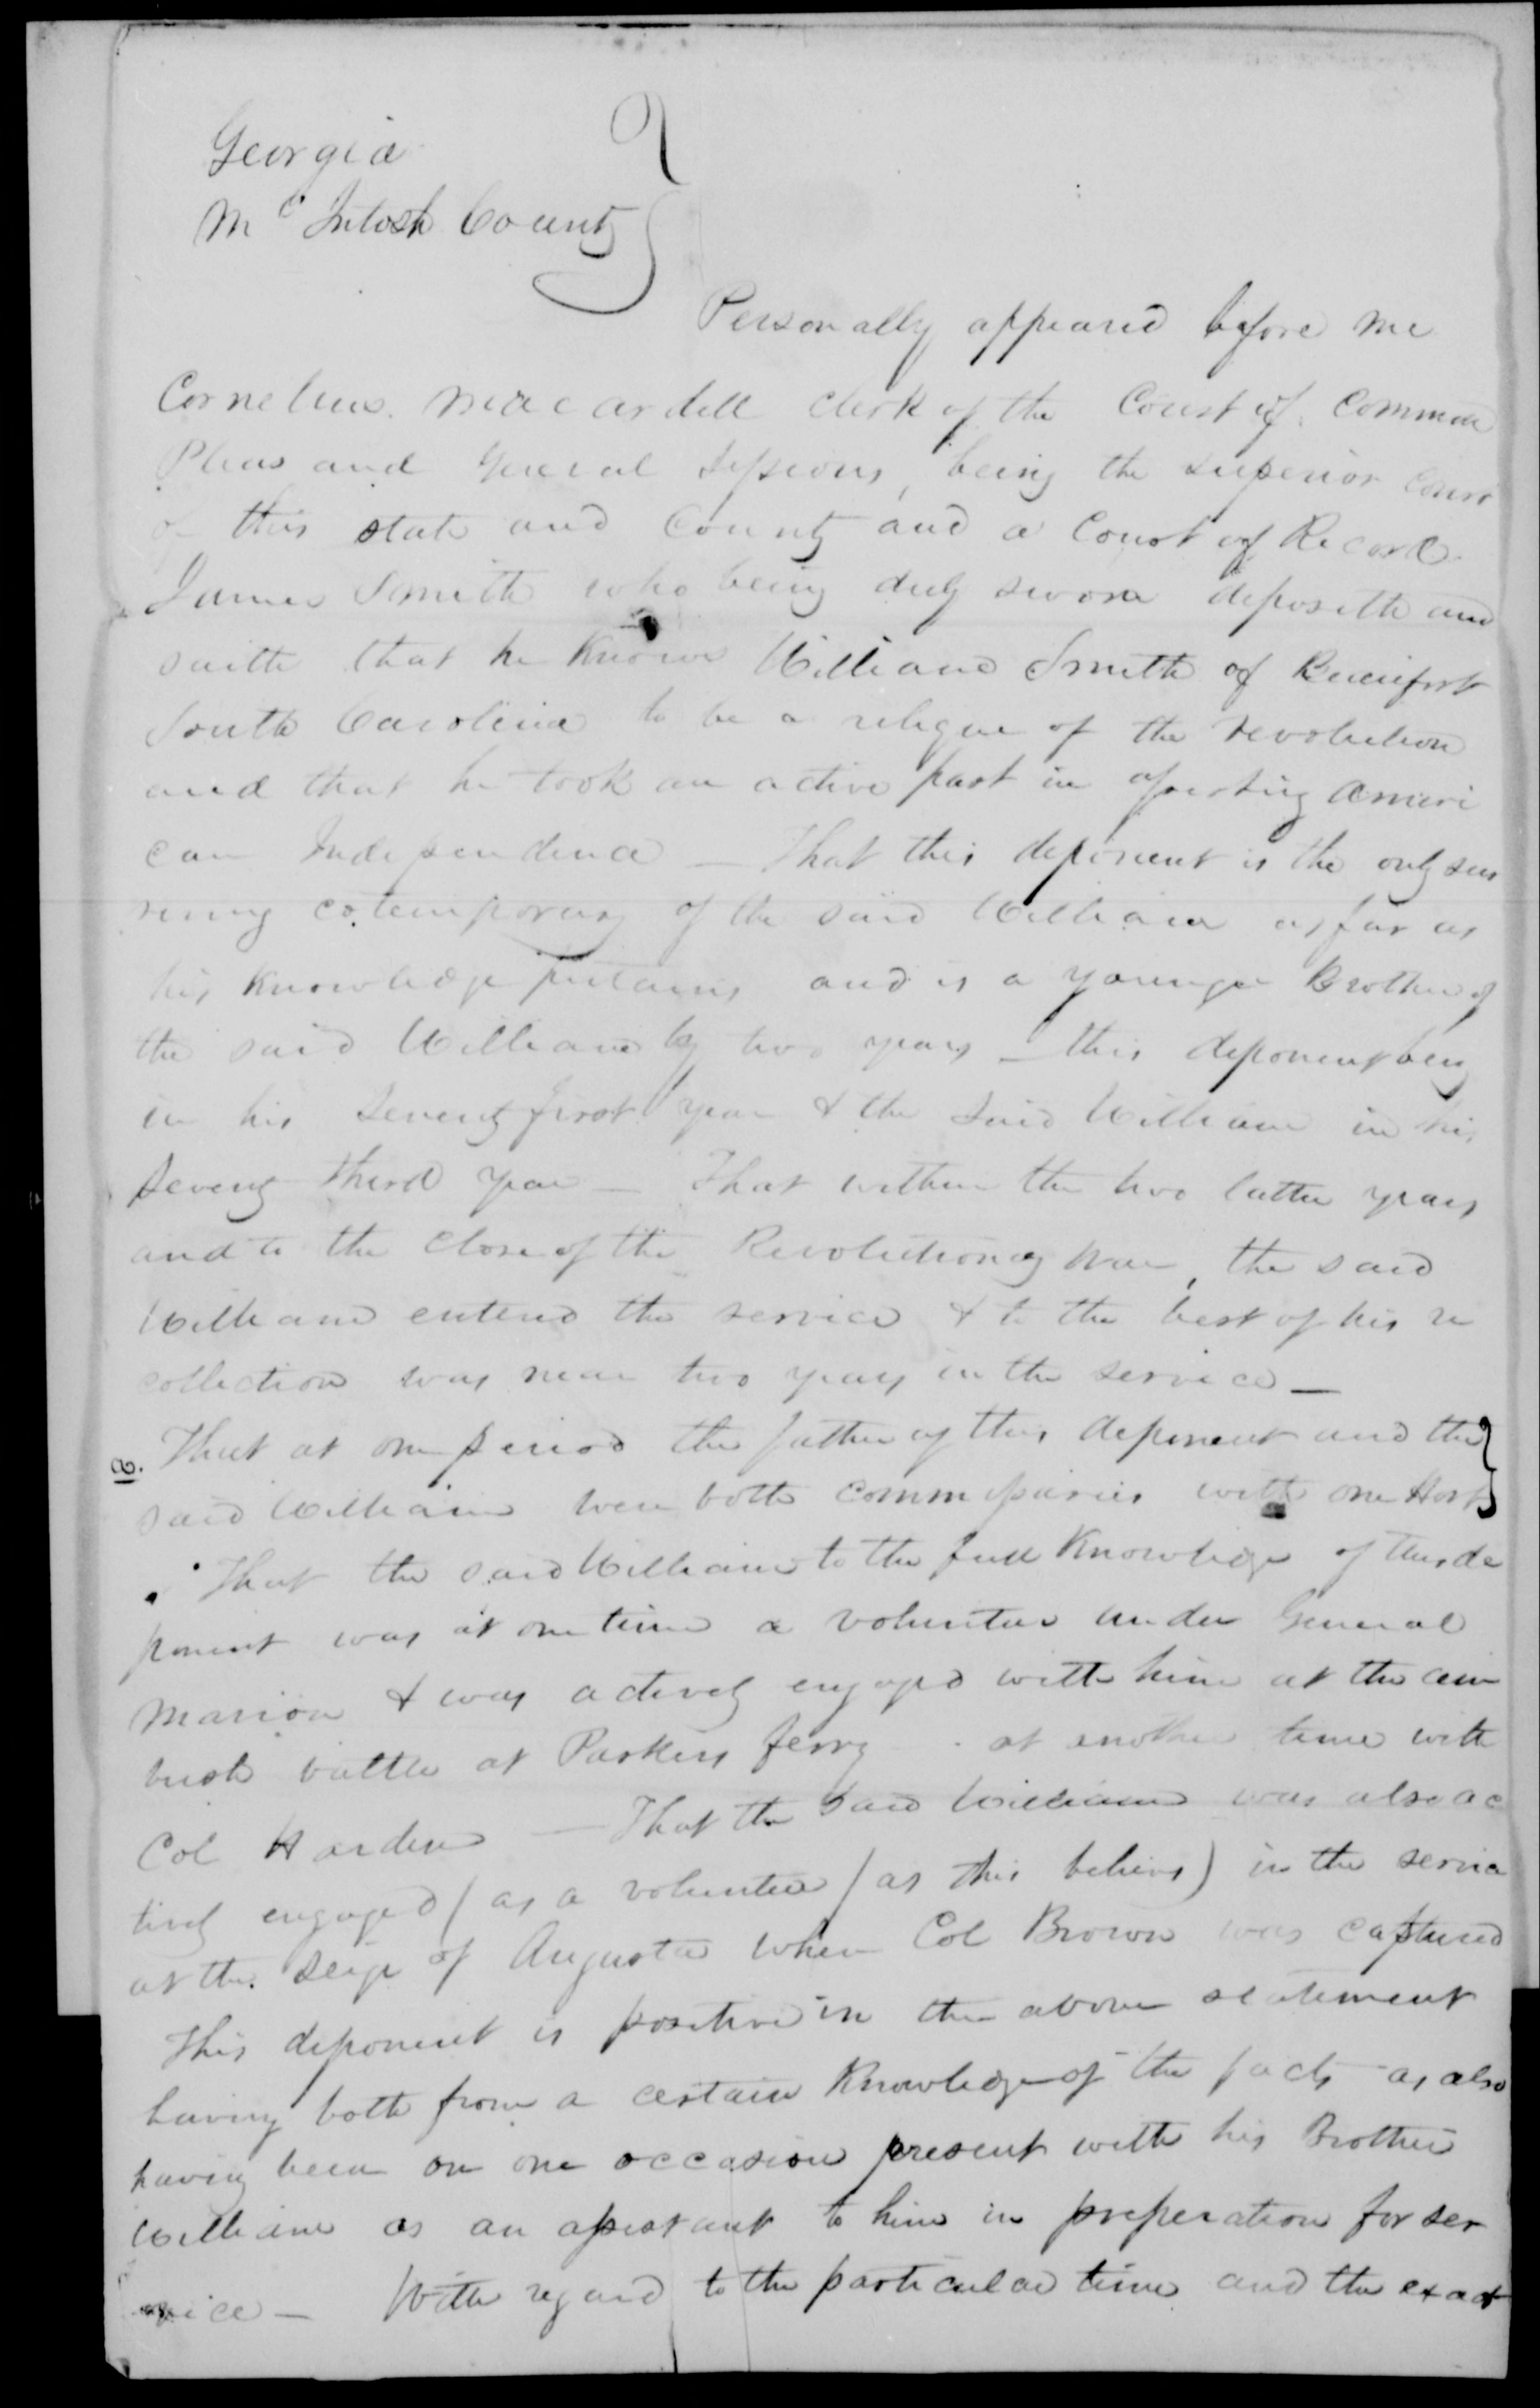Georgia
McIntosh County 
Personally appeared before me Cornelius MacArdell clerk of the Court of Common Pleas and General Sessions, being the superior Court of this state and County and a Court of Record. James Smith who being duly sworn deposith and saith that he knows William Smith of Beaufort South Carolina to be a relique of the Revolution and that he took an active part in asserting American Independence.  That this deponent is the only surviving contemporary of the said William as far as his knowledge pertains and is a younger Brother of the said William by two years. This deponent being in his Seventy-First year & the said William in his Seventy-Third year. That within the two latter years and to the close of the Revolutionary War, the said William entered the service & to the best of his collection was near two years in the service. That at one period the father of this deponent and the said William were both commissaries with one Hort. That the said William to the full knowledge of the deponent was at one time a volunteer under General Marion & was actively engaged with him at the ambush battle at Parkers Ferry. at another time with Col. Harden. That the said William was also actively engaged (as a volunteer) as this believes) in the service at the Seige of Augusta when Col. Brown was captured. This deponent is positive in the above statement having both from a certain knowledge of the facts as also having been on one occasion present with his Brother William as an assistant to him in preparation for service. With regard to the particular time and the exact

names: William Smith; William [BLANK]; William [BLANK]; James Smith; William [BLANK]; William [BLANK]; Cornelius Macardell; William [BLANK]; [BLANK] Brown; [BLANK] Marion; William [BLANK]; William [BLANK]; [BLANK] Harden; William [BLANK]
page: 10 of 21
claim: rejected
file: R. 9875, for William Smith, South Carolina